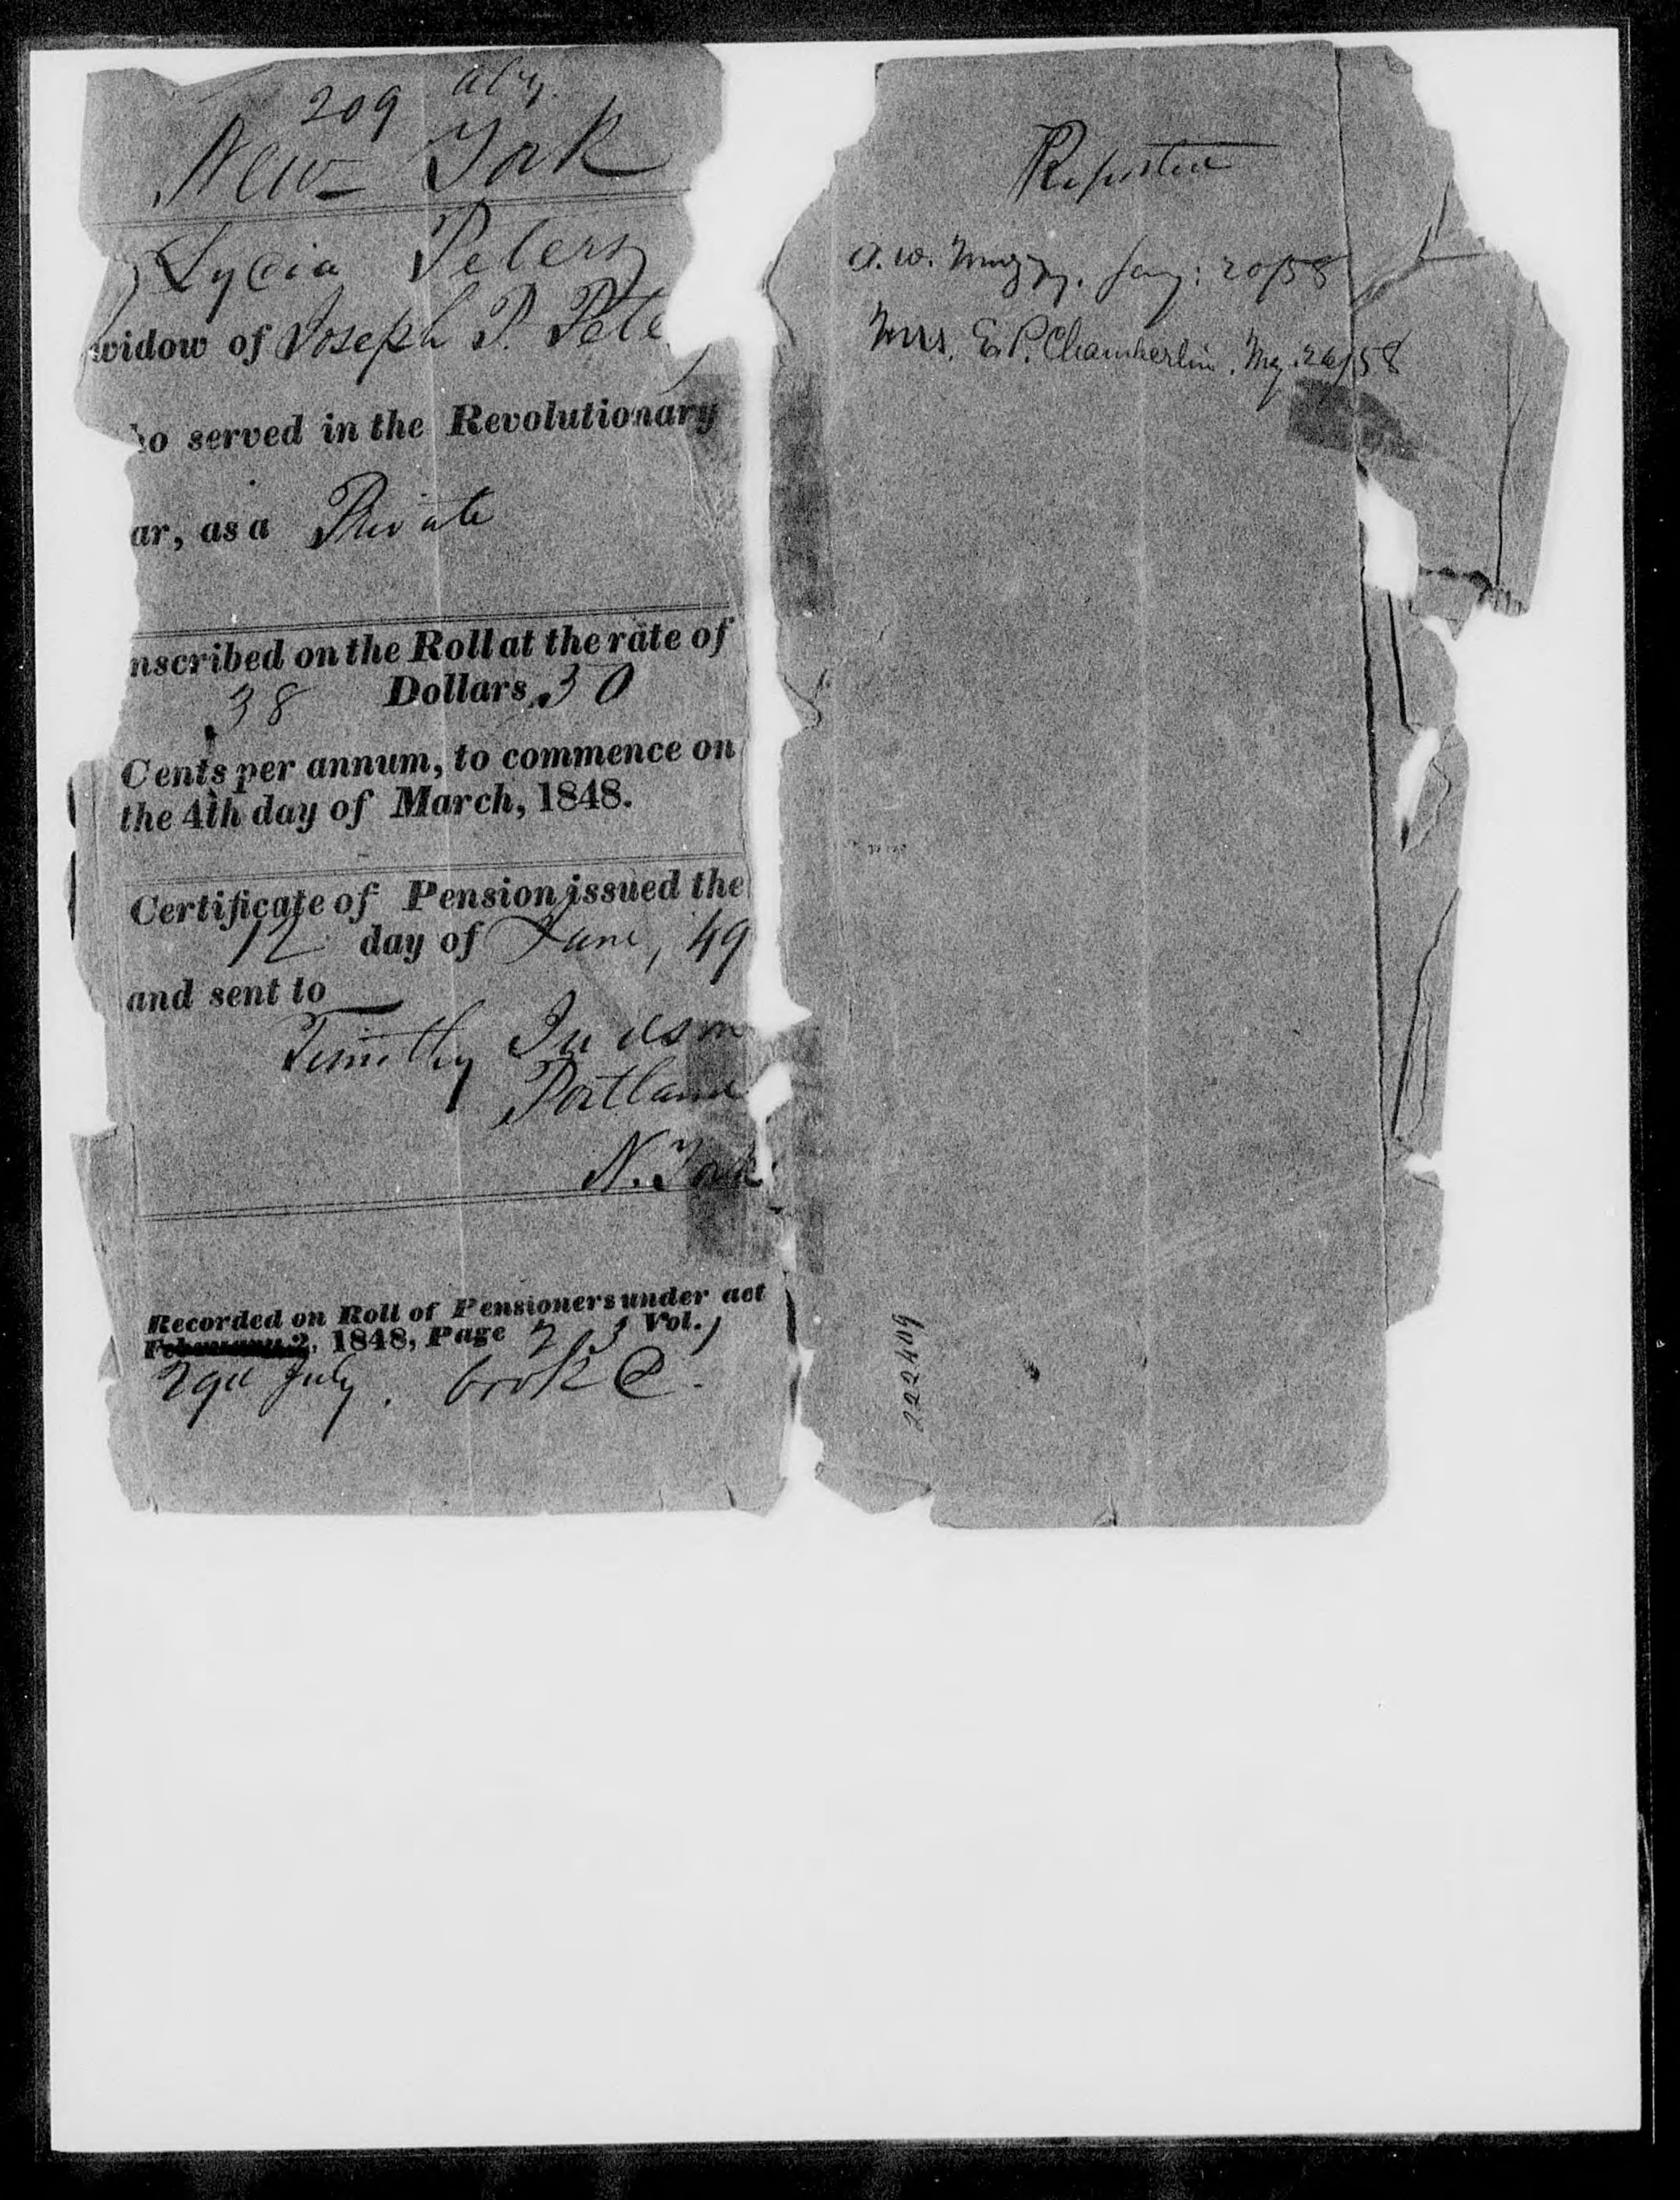209 Aby 
New York 
Lydia Peters widow of Joseph P. Peters who served in the Revolutionary War, as a Private 
Inscribed on the Roll at the rate of 38 Dollars 50 Cents per annum, to commence on the 4th day of March, 1848. 
Certificate of Pension issued the 12 day of June 49 and sent to Timothy Judson Portland NY 
Recorded on Roll of Pensioners under act 1848, Page 203 Vol 1 
29th July book 8 
Reported 
A. W. [unreadable] Jany 20 / 58 
Mrs. E. P. Chamberlin May 26 / 58
222409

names: Timothy Judson; E P Chamberlin; Joseph P Peters; Lydia Peters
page: 3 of 73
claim: widow's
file: W. 2338, for Joseph P Peters, Connecticut